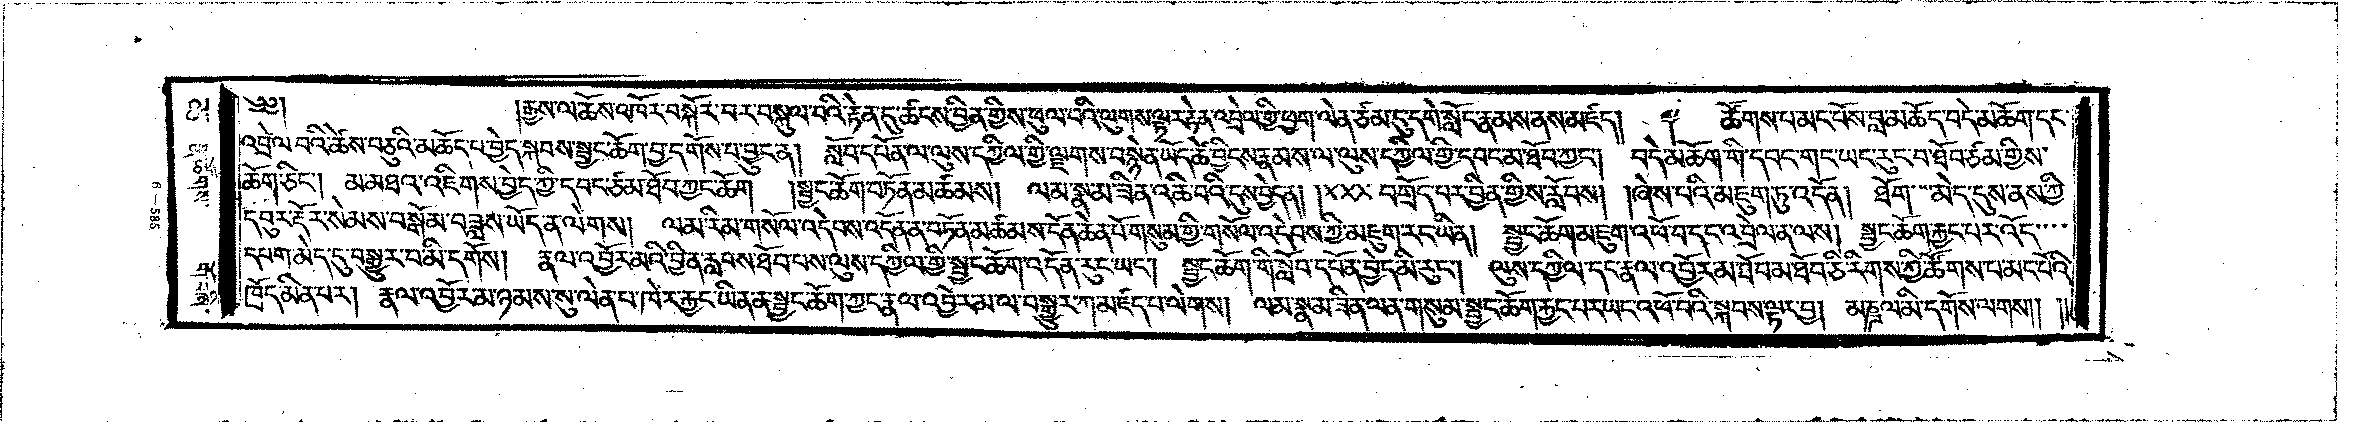༄༅། །རྒྱས་ལ་ཆོས་འཁོར་བསྐོར་བར་བསྐུལ་བའི་རྟེན་དུ་ཚངས་བྱིན་གྱིས་ཕུལ་བའི་ལུགས་ལྟར་རྟེན་འབྲེལ་གྱི་ཕྱག་ལེན་ཙམ་དུ་དགེ་སློང་རྣམས་ནས་མཛད། ༈ ཚོགས་པ་མང་པོས་བླ་མཆོད་བདེ་མཆོག་དང་
འབྲེལ་བའི་ཚེས་བཅུའི་མཆོད་པ་བྱེད་སྐབས་སྦྱང་ཆོག་བྱ་དགོས་པ་བྱུང་ན། སློབ་དཔོན་ལ་ལུས་དཀྱིལ་གྱི་ལྗགས་བསྙེན་ཡོད་ཚེ་བྱིངས་རྣམས་ལ་ལུས་དཀྱིལ་གྱི་དབང་མ་ཐོབ་ཀྱང་། བདེ་མཆོག་གི་དབང་གང་ཡང་རུང་བ་ཐོབ་ཙམ་གྱིས་
ཆོག་ཅིང་། མ་མཐའ་འཇིགས་བྱེད་ཀྱི་དབང་ཙམ་ཐོབ་ཀྱང་ཆོག །སྦྱང་ཆོག་བཏོན་མཚམས། ལམ་སྣ་མ་ཟིན་འཆི་བའི་དུས་བྱེད་ན། །྾་྾་྾་བགྲོད་པར་བྱིན་གྱིས་རློབས། །ཞེས་པའི་མཇུག་ཏུ་འདོན། ཐོག་མེད་དུས་ནས་ཀྱི་
དབུར་རྡོར་སེམས་བསྒོམ་བཟླས་ཡོད་ན་ལེགས། ལམ་རིམ་གསོལ་འདེབས་འདོན་ན་བཏོན་མཚམས་དོན་ཆེན་པོ་གསུམ་གྱི་གསོལ་འདེབས་ཀྱི་མཇུག་རང་ཡིན། སྦྱང་ཆོག་མཇུག་འཕོ་བ་དང་འབྲེལ་ན་ལས། སྦྱང་ཆོག་རྐྱང་པར་འོད་
དཔག་མེད་དུ་བསྒྱུར་བ་མི་དགོས། རྣལ་འབྱོར་མའི་བྱིན་རླབས་ཐོབ་པས་ལུས་དཀྱིལ་གྱི་སྦྱང་ཆོག་འདོན་རུང་ཡང་། སྦྱང་ཆོག་གི་སློབ་དཔོན་བྱེད་མི་རུང་། ལུས་དཀྱིལ་དང་རྣལ་འབྱོར་མ་ཐོབ་མ་ཐོབ་ཅི་རིགས་ཀྱི་ཚོགས་པ་མང་པོའི་
ཁྲོད་མིན་པར། རྣལ་འབྱོར་མ་ཉམས་སུ་ལེན་པ་ཁེར་རྐྱང་ཡིན་ན་སྦྱང་ཆོག་ཀྱང་རྣལ་འབྱོར་མ་ལ་བསྒྱུར་ཀ་མཛད་པ་ལེགས། ལམ་སྣ་མ་ཟིན་ལན་གསུམ་སྦྱང་ཆོག་རྐྱང་པར་ཡང་འཕོ་བའི་སྐབས་ལྟར་བྱ། མཎྜལ་མི་དགོས་ལགས།། །།